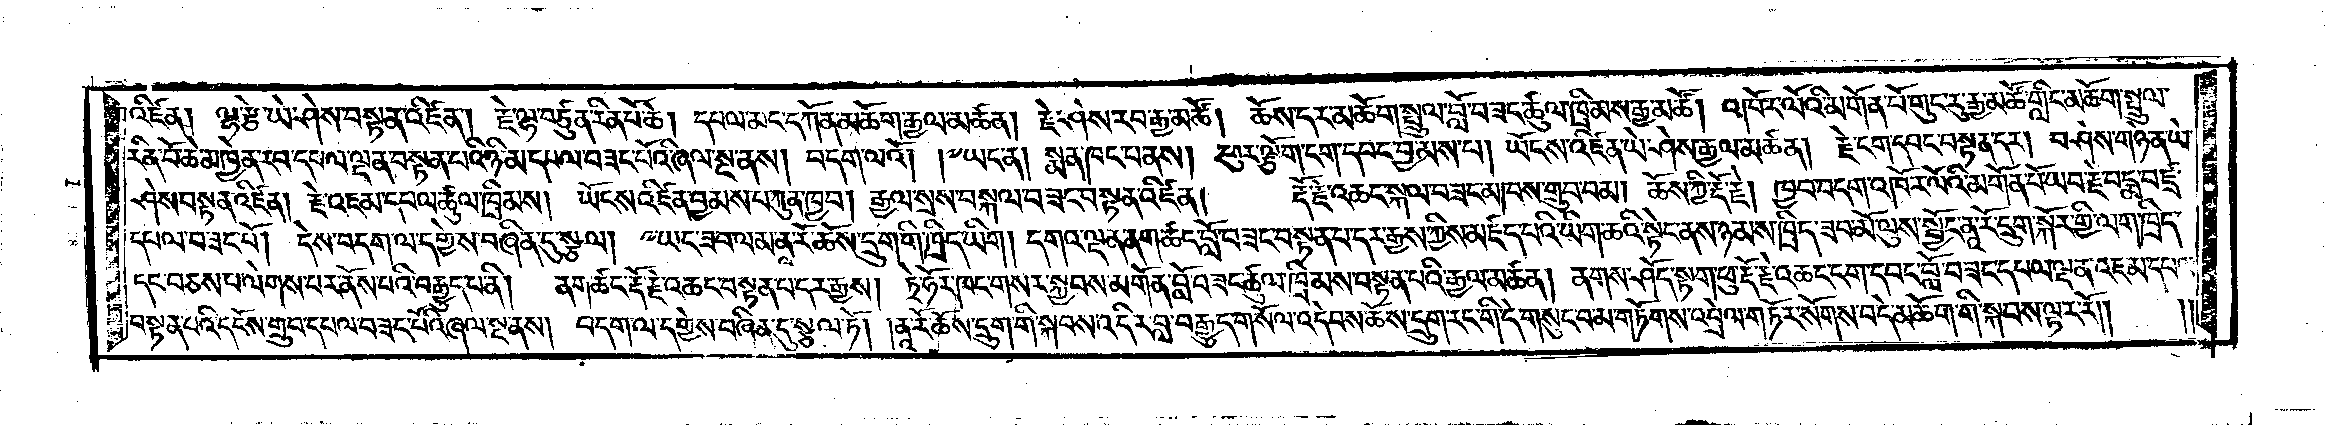འཛིན། ལྷ་རྩེ་ཡེ་ཤེས་བསྟན་འཛིན། རྗེ་ལྷ་བཙུན་རིན་པོ་ཆེ། དཔལ་མང་དཀོན་མཆོག་རྒྱལ་མཚན། རྗེ་ཤེས་རབ་རྒྱ་མཚོ། ཆོས་དར་མཆོག་སྤྲུལ་བློ་བཟང་ཚུལ་ཁྲིམས་རྒྱ་མཚོ། འཁོར་ལོའི་མགོན་པོ་གུང་རུ་རྒྱ་མཚོ་གླིང་མཆོག་སྤྲུལ་
རིན་པོ་ཆེ་མཁྱེན་རབ་དཔལ་ལྡན་བསྟན་པའི་ཉི་མ་དཔལ་བཟང་པོའི་ཞལ་སྔ་ནས། བདག་ལའོ། །༧ཡང་ན། སྨན་ཁང་པ་ན། ཕུར་ལྕོག་ངག་དབང་བྱམས་པ་ཡོངས་འཛིན་ཡེ་ཤེས་རྒྱལ་མཚན། རྗེ་ངག་དབང་བསྟན་དར། བཤེས་གཉེན་ཡེ་
ཤེས་བསྟན་འཛིན། རྗེ་འཇམ་དཔལ་ཚུལ་ཁྲིམས། ཡོངས་འཛིན་བྱམས་པ་ཀུན་ཁྱབ། རྒྱལ་སྲས་བསྐལ་བཟང་བསྟན་འཛིན། རྡོ་རྗེ་འཆང་སྐལ་བཟང་མཁས་གྲུབ་བམ། ཆོས་ཀྱི་རྡོ་རྗེ། ཁྱབ་བདག་འཁོར་ལོའི་མགོན་པོ་ཡབ་རྗེ་པདམ་བཛྲ་
དཔལ་བཟང་པོ། དེས་བདག་ལ་དགྱེས་བཞིན་དུ་སྩལ། ༧ཡང་ཟབ་ལམ་ནཱ་རོ་ཆོས་དྲུག་གི་ཁྲིད་ཡིག། དགའ་ལྡན་ནག་ཚད་བློ་བཟང་བསྟན་པ་དར་རྒྱས་ཀྱིས་མཛད་པའི་ཡིག་ཆའི་སྟེང་ནས་ཉམས་ཁྲིད་ཟབ་མོ་ལུས་སྦྱོང་ནཱ་རོ་དྲུག་སྐོར་གྱི་ལག་ཁྲིད་
དང་བཅས་པ་ལེགས་པར་ནོས་པའི་བརྒྱུད་པ་ནི། ནག་ཚང་རྡོ་རྗེ་འཆང་བསྟན་པ་དར་རྒྱས། ཏྲེ་ཧོར་ཁང་གསར་སྐྱབས་མགོན་བློ་བཟང་ཚུལ་ཁྲིམས་བསྟན་པའི་རྒྱལ་མཚན། ནགས་ཤོད་སྟག་ཕུ་རྡོ་རྗེ་འཆང་ངག་དབང་བློ་བཟང་དཔལ་བཟང་ལྡན་འཇམ་དཔལ་
བསྟན་པའི་དངོས་གྲུབ་དཔལ་བཟང་པོའི་ཞལ་སྔ་ནས། བདག་ལ་དགྱེས་བཞིན་དུ་སྩལ་ཏོ། །ནཱ་རོ་ཆོས་དྲུག་གི་སྐབས་འདིར་བླ་བརྒྱུད་གསོལ་འདེབས་ཆོས་དྲུག་རང་གི་དེ་གསུང་བམ་གཏོགས་འབྲེལ་གཏོར་སོགས་བདེ་མཆོག་གི་སྐབས་ལྟར་རོ།། །།